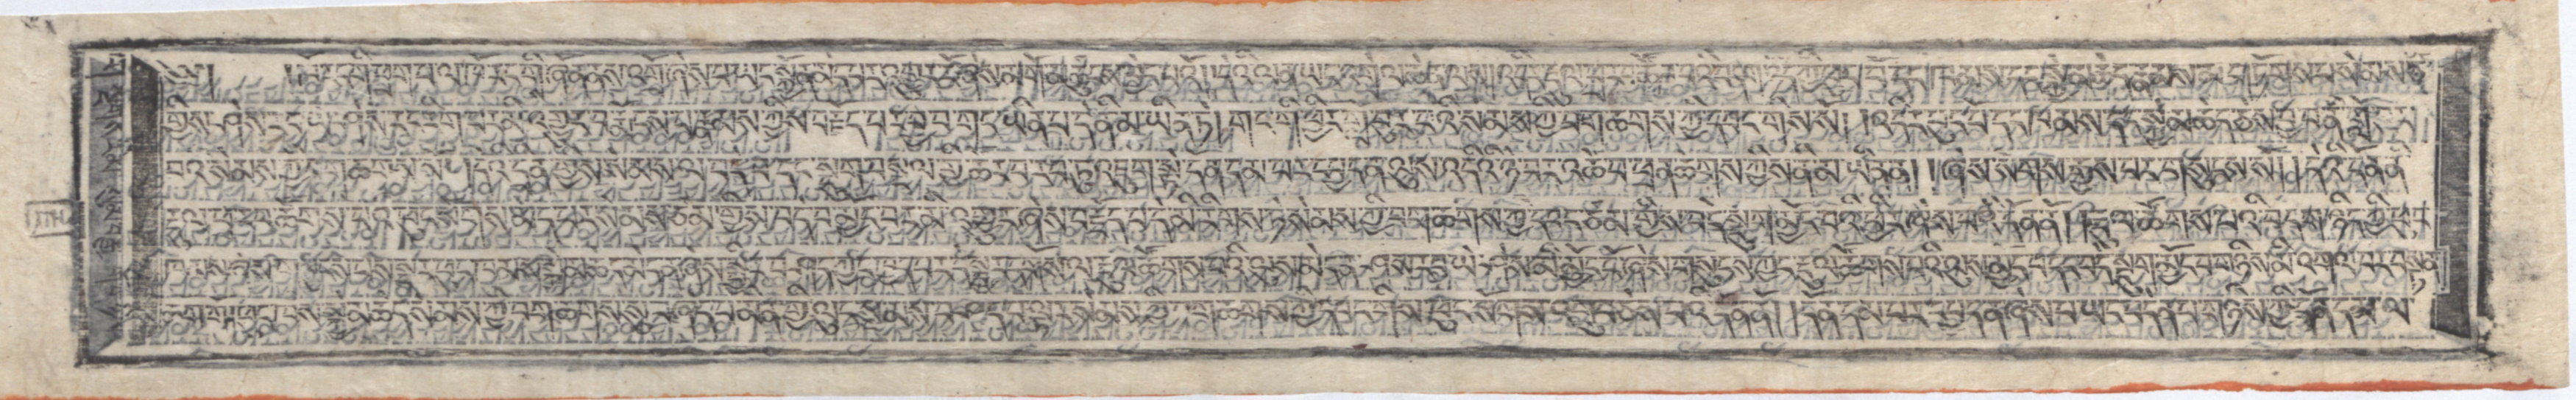༄༅། །ཁོ་རང་གི་ཕྲག་པ་ལ་ཁོ་རང་གིས་ཞོན་ནས་འགྲོ་ཞེས་པ་ཡང་སྐྱོན་མེད་པར་འགྱུར་རོ་ཞེས་མགོ་མཚུངས་བྱེད་པའོ། །དེའི་ལན་ཡང་འགྲེལ་ཆེན་ལས། འདིར་རྡུལ་ཕྲ་རབ་ཚོགས་པའི་བདག་ཉིད་ཀྱི་ཕུང་པོ་དང་ཁམས་དང་སྐྱེ་མཆེད་རྣམས་མ་གཏོགས་པ་སེམས་ཙམ་
གྱིས་ཤེས་རབ་ཡེ་ཤེས་རང་རིག་པར་མི་འགྱུར་བ་རྨོངས་པ་རྣམས་ཀྱིས་བརྗོད་པར་བྱ་བ་གང་ཡིན་པ་དེ་ནི་མ་ཡིན་ཏེ། གང་གི་ཕྱིར་གློ་བུར་པའི་སེམས་ཀྱི་བག་ཆགས་ཀྱི་དབང་གིས་སོ། །འདིར་ཕུང་པོ་དང་ཁམས་དང་སྐྱེ་མཆེད་ཅེས་བྱ་བ་ནི་གློ་བུར་
བའི་སེམས་ཀྱི་བག་ཆགས་སོ། །དེའི་དྲིན་གྱིས་སེམས་ལ་བདེ་བ་དང་སྡུག་བསྔལ་གྱི་ཚོར་བ་རབ་ཏུ་འཇུག་སྟེ་དོན་དམ་པར་དཔྱད་ན་ལུས་འདིའི་ཉེ་བར་འཚེ་བ་ཕྲན་ཚོགས་ཀྱིས་ནི་མ་ཡིན་ནོ། །ཞེས་སོགས་རྒྱས་པར་གསུངས་སོ། །དེའི་དོན་ནི་
རྡུལ་ཕྲ་རབ་ཚོགས་པའི་ཕུང་སོགས་མེད་པར་སེམས་ཙམ་གྱིས་བདེ་བ་མྱོང་བར་མི་འགྱུར་ཞེས་བརྗོད་པ་དེ་མི་རིགས་ཏེ་སེམས་ཀྱི་བག་ཆགས་ཀྱི་དབང་ཙམ་གྱིས་བདེ་སྡུག་མྱོང་བའི་ཕྱིར་ཞེས་པའི་དོན་ནོ། །རྡུལ་ཚོགས་པའི་བདག་ཉིད་ཀྱི་ཕུང་
ཁམས་ཞེས་གསུངས་པས་སྔར་ཕུང་ཁམས་སྐྱེ་མཆེད་མེད་ན་ཞེས་སྤྱིར་བཤད་ཀྱང་ཁྱད་པར་དེ་སྦྱར་དགོས་ལ་རྡུལ་ཚོགས་པའི་ལུས་མེད་ན་ཤེས་རབ་ཡེ་ཤེས་མི་མྱོང་ངོ་ཞེས་གསུངས་ཀྱང་རྡུལ་ཚོགས་པའི་ལུས་མྱོང་བ་དང་བདེ་སྡུག་མྱོང་བ་གཉིས་མི་འགལ་བར་བསྟན་
ཆོག་གོ །ཕུང་ཁམས་སྐྱེ་མཆེད་སེམས་ཀྱི་བག་ཆགས་སུ་བཞེད་པ་མིན་གྱི་ལུང་སྔ་མས་བཤད་པ་ལྟར་སེམས་ཀྱི་བག་ཆགས་ཀྱི་དབང་གིས་ཕུང་སོགས་འགྲུབ་ཅེས་པའི་དོན་ནོ། །དོན་དམ་པར་དཔྱད་ན་ཞེས་པ་ཡང་བདེན་པ་གཉིས་ཀྱི་དོན་དམ་ལ་